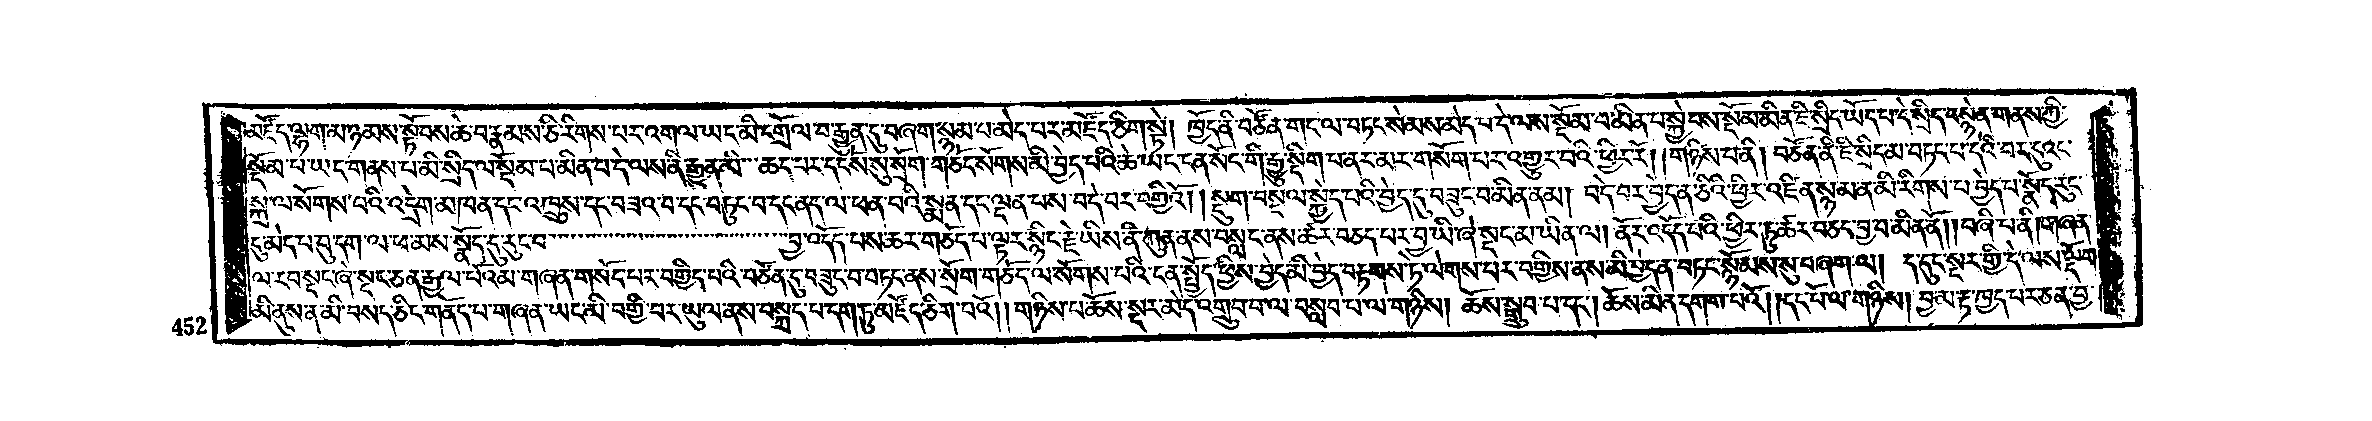མཛོད་ལྷག་མ་ཉམས་སྟོབས་ཆེ་བ་རྣམས་ཅི་རིགས་པར་འགལ་ཡང་མི་འགྲོལ་བ་རྒྱུན་དུ་བཞག་སྙམ་པ་མེད་པར་མཛོད་ཅིག་སྟེ། ཁྱོད་ནི་བཙོན་གང་ལ་བཏང་སེམས་མེད་པ་དེ་ལས་སྡོམ་པ་མིན་པ་སྐྱེ་བས་སྡོམ་མིན་ཇི་སྲིད་ཡོད་པ་དེ་སྲིད་བསྙེན་གནས་ཀྱི་
སྡོམ་པ་ཡང་གནས་པ་མི་སྲིད་ལ་སྡོམ་པ་མིན་པ་དེ་ལས་ནི་རྒྱུན་མི་ཆད་པར་དངོས་སུ་སྲོག་གཅོད་སོགས་མི་བྱེད་པའི་ཆེ་ཡང་ངན་སོང་གི་རྒྱུ་སྡིག་པ་ནར་མར་གསོག་པར་འགྱུར་བའི་ཕྱིར་རོ། །གཉིས་པ་ནི། བཙོན་ནི་ཇི་སྲིད་མ་བཏང་པ་དེའི་བར་དུའང་
སྐྲ་ལ་སོགས་པའི་འདྲེག་མཁན་དང་འཁྲུས་དང་བཟའ་བ་དང་བཏུང་བ་དང་ནད་ལ་ཕན་པའི་སྨན་དང་ལྡན་པས་བདེ་བར་བགྱིའོ། །སྡུག་བསྔལ་སྐྱེད་པའི་བྱེད་དུ་བཟུང་བ་མིན་ནམ། བདེ་བར་བྱེད་ན་ཅིའི་ཕྱིར་འཛིན་སྙམ་ན་མི་རིགས་པ་བྱེད་པ་སྣོད་རུང་
དུ་མེད་པ་བུ་དག་ལ་ཕ་མས་སྣོད་དུ་རུང་བ་བྱ་འདོད་པས་ཆར་གཅོད་པ་ལྟར་སྙིང་རྗེ་ཡིས་ནི་ཀུན་ནས་བསླང་ནས་ཚར་བཅད་པར་བྱ་ཡི་ཞེས་སྡང་མ་ཡིན་ལ། ནོར་འདོད་པའི་ཕྱིར་ཏུ་ཚར་བཅད་བྱ་བ་མིན་ནོ། །བཞི་པ་ནི། གཞན་
ལ་རབ་སྡང་ཞེས་དང་ཅན་རྒྱལ་པོའམ་གཞན་གསོད་པར་བགྱིད་པའི་བཙོན་དུ་བཟུང་བ་བཏང་ནས་སྲོག་གཅོད་ལ་སོགས་པའི་ངན་སྤྱོད་ཕྱིས་བྱེད་མི་བྱེད་བརྟགས་ཏེ་ལེགས་པར་བགྱིས་ནས་མི་བྱེད་ན་བཏང་སྙོམས་སུ་བཞག་ལ། ད་དུང་སྔར་གྱི་དེ་ལས་ལྡོག་
མི་ནུས་ན་མི་བསད་ཅིང་གནོད་པ་གཞན་ཡང་མི་བགྱི་བར་ཡུལ་ནས་བསྐྲད་པ་དག་ཏུ་མཛོད་ཅིག་པའོ། །གཉིས་པ་ཆོས་སྔར་མེད་འགྲུབ་པ་ལ་བསླབ་པ་ལ་གཉིས། ཆོས་སྒྲུབ་པ་དང་། ཆོས་མིན་དགག་པའོ། །དང་པོ་ལ་གཉིས། བྱ་མ་རྟ་ཁྱད་པར་ཅན་བྱ་